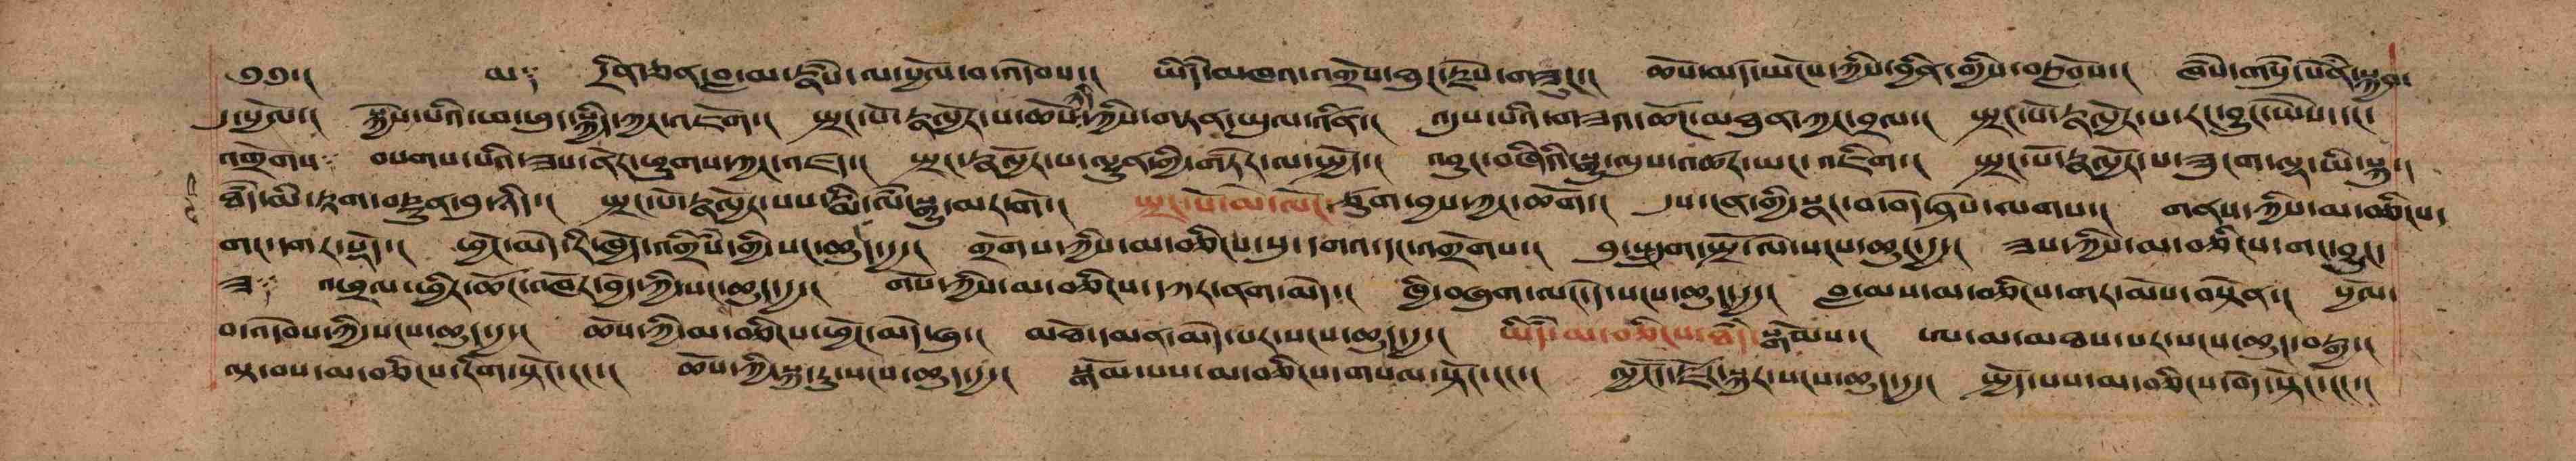༄༅། མ༑ དྲིན་ཆེན་བླ་མ་རྣམས་ལ་གསོལ་བ་འདེབས། ཡིད་དམ་མཁའ་འགྲོས་ཐུགས་རྗེས་གཟུངས། ཆོས་མཛད་ཡོངས་ཀྱིས་བྱིན་གྱིས་བརློབས། ཁམས་གསུམ་སེམས་ཅན་སྐྱབས་
སུ་གསོལ། སྐྱོས་པའི་ཕ་ཕུད་སྐྱིད་ཀྱང་འཇོག། སྤྲང་པོ་རྣལ་འབྱོར་པ་ཆོས་ཉིད་ཀྱིས་གཏན་ཡུལ་འཛིན། འདུས་པའི་གཟའ་ཚོགས་མཐུན་ཀྱང་བྲལ། སྤྲང་པོ་རྣལ་འབྱོར་པ་རང་འབྱུང་ཡེ་ཤེས་དང་
འགྲོགས༑ བསགས་པའི་ཟས་ནོར་ཕྱུགས་ཀྱང་མཛད། སྤྲང་རྣལ་འབྱོར་པ་ལྷུན་གྱི་གཏེར་ལ་སྤྱོད། འབྱུང་བཞིའི་སྒྱུ་ལུས་འཚར་ཡང་འཇིག། སྤྲང་པོ་རྣལ་འབྱོར་པ་ཟུངག་ལྷ ལྷ་ཡི་སྐུ། 
ཐམས་ཅད་མི་རྟག་བརྫུན་བུ་ཉིད། སྤྲང་པོ་རྣལ་འབྱོར་པས་རྨི་ལམ་སྒྱུ་མར་གོ། སྤྲང་པོ་མེ་ལོང་ཙུག་བྱས་ཀྱང་ཆོག། དུས་ངན་གྱི་སྣང་བ་བདེ་ཤེས་ལགས། གནས་ཀྱིས་མ་བཅིངས་
གང་དགར་སྡོད། ཕྱོགས་མེད་རི་ཁྲོད་འགྲིམས་གྱི་སང་ཆུད་རྒྱ། གྲོགས་ཀྱིས་མ་བཅིངས་སུ་དགའ་དང་འགྲོགས། བུ་སྤྲུག་སྤྲོ་ལོ་སངས་ཆུང་རྒྱ། ཟས་ཀྱིས་མ་བཅིངས་གང་བྱུང་
ཟ༑ འཕྲལ་ཕྱིར་ཚོཌ་འཁོར་བྱེད་ཀྱི་སངས་ཆུད་རྒྱ། གོས་ཀྱིས་མ་བཅིངས་དཀར་ནག་མེད། ཁྱི་བཞུག་ལང་དེ་སངས་ཆུད་རྒྱ། བླ་མས་མ་བཅིངས་གར་མོས་བསྟེན། གསོལ་
བ་འདེབས་ཀྱི་སངས་ཆུད་རྒྱ། ཆོས་ཀྱི་མ་བཅིངས་ཕྱོགས་མེད་ཞུ། མཐོ་དམན་མེད་པར་སངས་ཆུད་རྒྱ། ཡིད་དམ་མ་བཅིངས་ཐམས་ཅད་སྒོམས། ཨ་མ་མཐའ་སར་སངས་ཆུད་བརྒྱ། 
ལྟ་བས་མ་བཅིངས་རིག་སྟོང་ངང་། ཆོས་ཀྱི་སྐུ་རུ་སངས་ཆུད་རྒྱ། སྒོམ་པས་མ་བཅིངས་གསལ་སྟོང་ངང་། ལོང་སྤྱོད་རྫོགས་སྐུར་སངས་ཆུད་རྒྱ། སྤྱོད་པས་མ་བཅིངས་བདེ་སྟོང་ངང་།